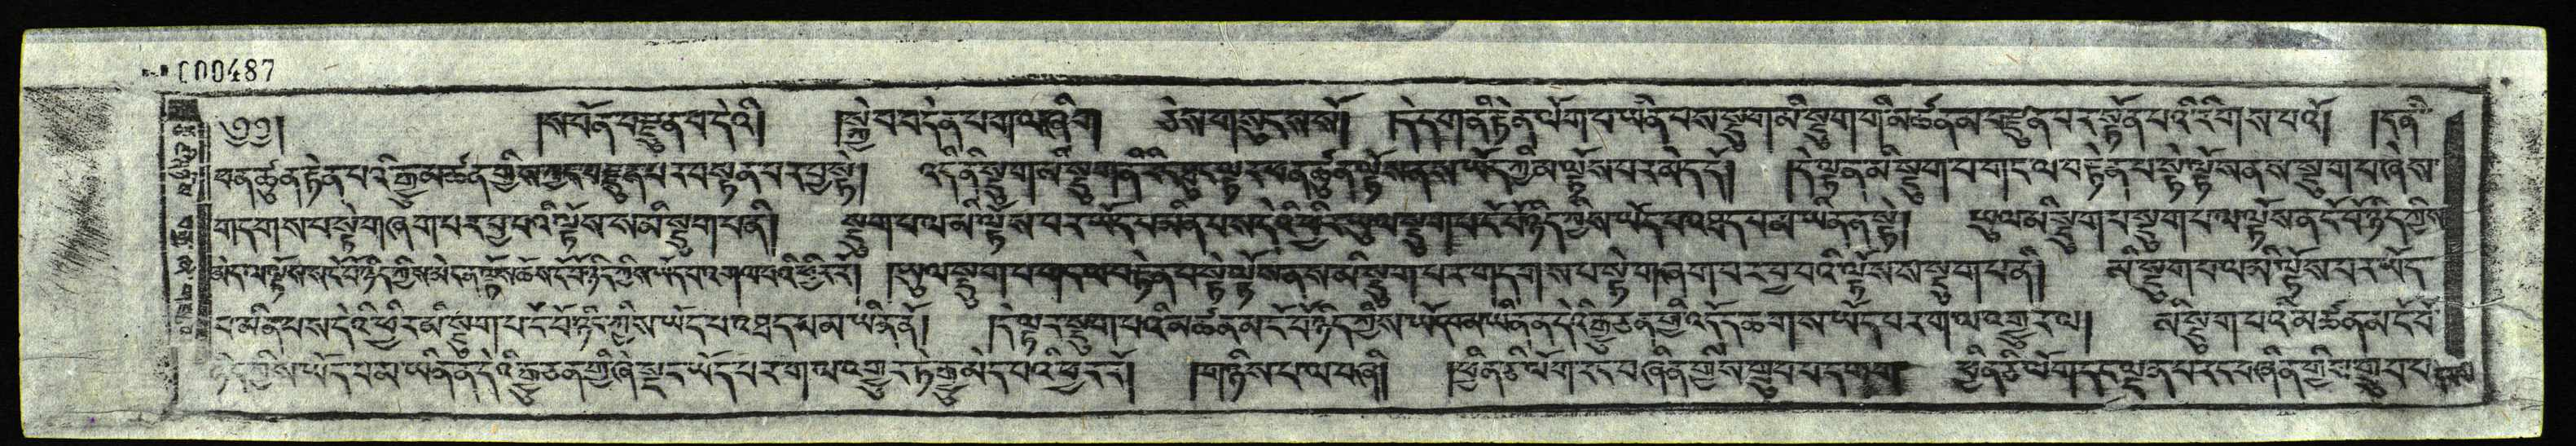༄༅། །ས་བོན་བརྫུན་པ་དེའི། །སྐྱེ་བ་བདེན་པ་ག་ལ་ཞིག་ཅེས་གསུངས་སོ། །དེ་དག་ནི་རྟེན་ལོག་པ་ཡིན་པས་སྡུག་མི་སྡུག་གི་མཚན་མ་བརྫུན་པར་སྟོན་པའི་རིགས་པའོ། །ད་ནི་
ཕན་ཚུན་རྟེན་པའི་རྒྱུ་མཚན་གྱིས་ཀྱང་བརྫུན་པར་བསྟན་པར་བྱ་སྟེ། འདི་ནི་སྡུག་མི་སྡུག་ནི་རིང་ཐུང་ལྟར་ཕན་ཚུན་ལྟོས་ནས་ཡོད་ཀྱི་མ་ལྟོས་པར་མེད་དོ། །དེ་ལྟ་ན་མི་སྡུག་པ་གང་ལ་བརྟེན་པ་སྟེ་ལྟོས་ནས་སྡུག་པ་ཞེས་
གདགས་པ་སྟེ་གཞག་པར་བྱ་བའི་ལྟོས་ས་མི་སྡུག་པ་ནི། སྡུག་པ་ལ་མི་ལྟོས་པར་ཡོད་པ་མིན་པས་དེའི་ཕྱིར་ཡུལ་སྡུག་པ་ངོ་བོ་ཉིད་ཀྱིས་ཡོད་པ་འཐད་པ་མ་ཡིན་ན་སྟེ། ཡུལ་མི་སྡུག་པ་སྡུག་པ་ལ་ལྟོས་ན་ངོ་བོ་ཉིད་ཀྱིས་
མེད་ལ་ལྟོས་ས་ངོ་བོ་ཉིད་ཀྱིས་མེད་ན་ལྟོས་ཆོས་ངོ་བོ་ཉིད་ཀྱིས་ཡོད་པ་འགལ་བའི་ཕྱིར་རོ། །ཡུལ་སྡུག་པ་གང་ལ་བརྟེན་པ་སྟེ་ལྟོས་ནས་མི་སྡུག་པར་གདགས་པ་སྟེ་གཞག་པར་བྱ་བའི་ལྟོས་ས་སྡུག་པ་ནི། མི་སྡུག་པ་ལ་མི་ལྟོས་པར་ཡོད་
པ་མིན་པས་དེའི་ཕྱིར་མི་སྡུག་པ་ངོ་བོ་ཉིད་ཀྱིས་ཡོད་པ་འཐད་པ་མ་ཡིན་ནོ། །དེ་ལྟར་སྡུག་པའི་མཚན་མ་ངོ་བོ་ཉིད་ཀྱིས་ཡོད་པ་མ་ཡིན་ན་དེའི་རྒྱུ་ཅན་གྱི་འདོད་ཆགས་ཡོད་པར་ག་ལ་འགྱུར་ལ། མི་སྡུག་པའི་མཚན་མ་ངོ་བོ་
ཉིད་ཀྱིས་ཡོད་པ་མ་ཡིན་ན་དེའི་རྒྱུ་ཅན་གྱི་ཞེ་སྡང་ཡོད་པར་ག་ལ་འགྱུར་ཏེ་རྒྱུ་མེད་པའི་ཕྱིར་རོ། །གཉིས་པ་ལ་བཞི། །ཕྱིན་ཅི་ལོག་རང་བཞིན་གྱིས་གྲུབ་པ་དགག་ཕྱིན་ཅི་ལོག་དང་ལྡན་པ་རང་བཞིན་གྱིས་གྲུབ་པ་?